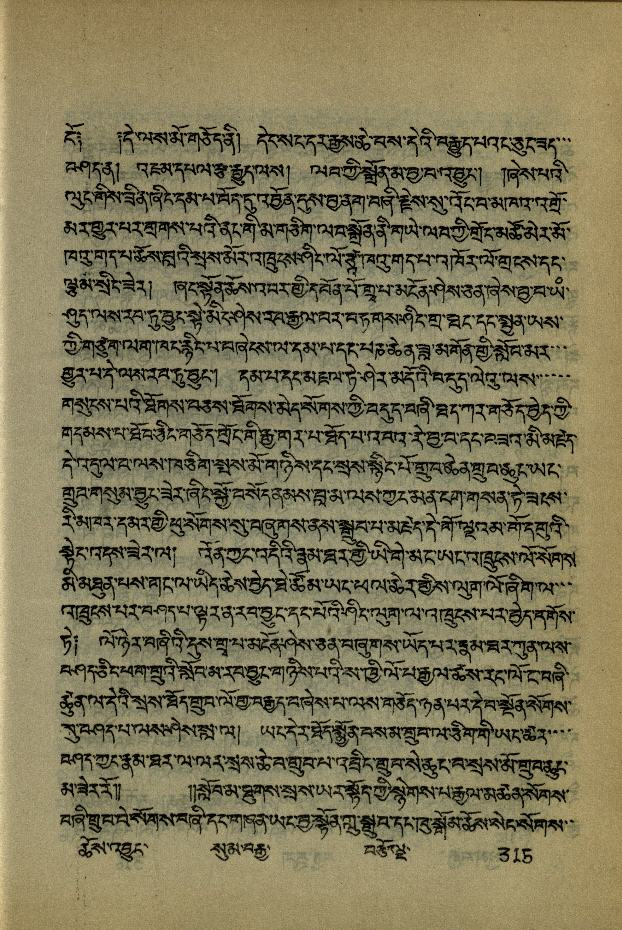ངོ༑ ༑དེ་ལས་མོ་གཅོད་ནི། དེང་སང་དར་རྒྱས་ཆེ་བས་དེའི་བརྒྱུད་པའང་ཅུང་ཟད་
བཤད་ན། འཇམ་དཔལ་རྩ་རྒྱུད་ལས། ལབ་ཀྱི་སྒྲོན་མ་བྱ་བ་འབྱུང་། །ཞེས་པའི་
ལུང་གིས་ཟིན་ཞིང་དམ་པ་བོད་དུ་འབྱོན་དུས་བྱ་ནག་བཞི་རྗེས་སུ་འོང་བ་མཁའ་འགྲོ་
མར་གྱུར་པར་གྲགས་པའི་ནང་གི་མ་གཅིག་ལ་བ་སྒྲོན་ནི་གཡེ་ལབ་ཀྱི་གྲོང་མཚོ་མེར་མོ་
ཁཱུ་གད་པ་ཆོས་བླའི་སྲས་མོར་འཁྲུངས་ཤིང་ལོ་ཙཱ་ཁཱུ་གད་པ་འཁོར་ལོ་གྲངས་དང་
ལྕམ་སྲིད་ཟེར། ཞང་སྟོན་ཆོས་འབར་གྱི་དབོན་པོ་གྲྭ་པ་མངོན་ཤེས་ཅན་ཞེས་བྱ་བ་ཡཾ་
ཤུད་ལས་རབ་ཏུ་བྱུང་སྟེ་མིང་ཤེས་རབ་རྒྱལ་བར་བཏགས་ཤིང་གྲ་ཐང་དང་སྤྱན་ཡས་
ཀྱི་གཙུག་ལག་ཁང་རྙིང་པ་བཞེངས་ལ་དམ་པ་དང་པཎ་ཆེན་ཟླ་མགོན་གྱི་སློབ་མར་
གྱུར་པ་དེ་ལས་རབ་ཏུ་བྱུང་། དམ་པ་དང་མཇལ་ཏེ་ཤེར་མདོའི་བདུད་ལེའུ་ལས་
གསུངས་པའི་ཐོགས་བཅས་ཐོགས་མེད་སོགས་ཀྱི་བདུད་བཞི་ཐད་ཀར་གཅོད་བྱེད་ཀྱི་
གདམས་པ་ཐོབ་ཅིང་གཅོད་གྲོང་གི་རྒྱ་གར་པ་ཐོད་པ་འབའ་རེ་བྱ་བ་དང་བཟའ་མི་མཛད་
དེ་འདུལ་བ་ལས་ཁ་ཅིག་སྤས་མོ་གཉིས་དང་སྲས་སྙིང་པོ་གྲུབ་ཆེན་གྲུབ་ཆུང་ཡང་
གྲུབ་གསུམ་བྱུང་ཟེར་ཞིང་སྐྱོ་བསོད་ནམས་བླ་མ་ལས་ཀྱང་མན་ངག་གསན་ཏེ་ཟངས་
རི་མཁར་དམར་གྱི་ཕུ་སོགས་སུ་བཞུགས་ནས་སྒྲུབ་པ་མཛད་དེ་གོ་ལྔའམ་གོ་དགུའི་
སྟེང་འདས་ཟེར་ལ། འོན་ཀྱང་འདིའི་རྣམ་ཐར་གྱི་ཡི་གེ་མང་ཡང་འཁྲུངས་ལོ་སོགས་
མི་མཐུན་པས་གང་ལ་ཡིད་ཆེས་བྱེད་ཐེ་ཚོམ་ཡང་ཕལ་ཆེར་གྱིས་ལུག་ལོ་ཞིག་ལ་
འཁྲུངས་པར་བཤད་པ་ལྟར་ན་རབ་བྱུང་དང་པོའི་ཤིང་ལུག་ལ་འཁྲུངས་པར་བྱེད་དགོས་
ཏེ༑ ལོ་ཉེར་བཞིའི་དུས་གྲྭ་པ་མངོན་ཤེས་ཅན་བཞུགས་ཡོད་པར་རྣམ་ཐར་ཀུན་ལས་
བཤད་ཅིང་ཕག་གྲུའི་སློབ་མ་རབ་བྱུང་གཉིས་པའི་ས་ཁྱི་ལོ་པ་རྒྱལ་ཚས་རང་ལོ་ང་བཞི་
ཚུན་ལ་དེའི་སྲས་ཐོད་གྲུབ་ལོ་གྱ་བརྒྱད་བཞེས་པ་ལས་གཅོད་ཉན་པར་དེ་བ་སྔོན་སོགས་
མུ་བཤད་པ་ལས་ཤེས་སླ་ལ། ཡང་དེར་ཐོད་སྨྱོན་བསམ་གྲུབ་ལ་ཅིག་གི་ཡང་ཚར་
བཤད་ཀྱང་རྣམ་ཐར་ལ་ལར་སྲས་ཆེ་བ་གྲུབ་པ་འབྲིང་གྲུབ་སེ་ཆུང་བ་སྲས་མོ་གྲུབ་ཆུང་
མ་ཟེར་རོ།། །།སློབ་མ་ཐུགས་སྲས་ཡར་སྟོད་ཀྱི་སྙིགས་པ་རྒྱལ་མཚན་སོགས་
བཞི་གྲུབ་བེ་སོགས་བཞི་དང་གཞན་ཡང་བྱ་སྟོན་ཀླུ་སྒྲུབ་དང་ཁུ་སྒོམ་ཆོས་སེང་སོགས་